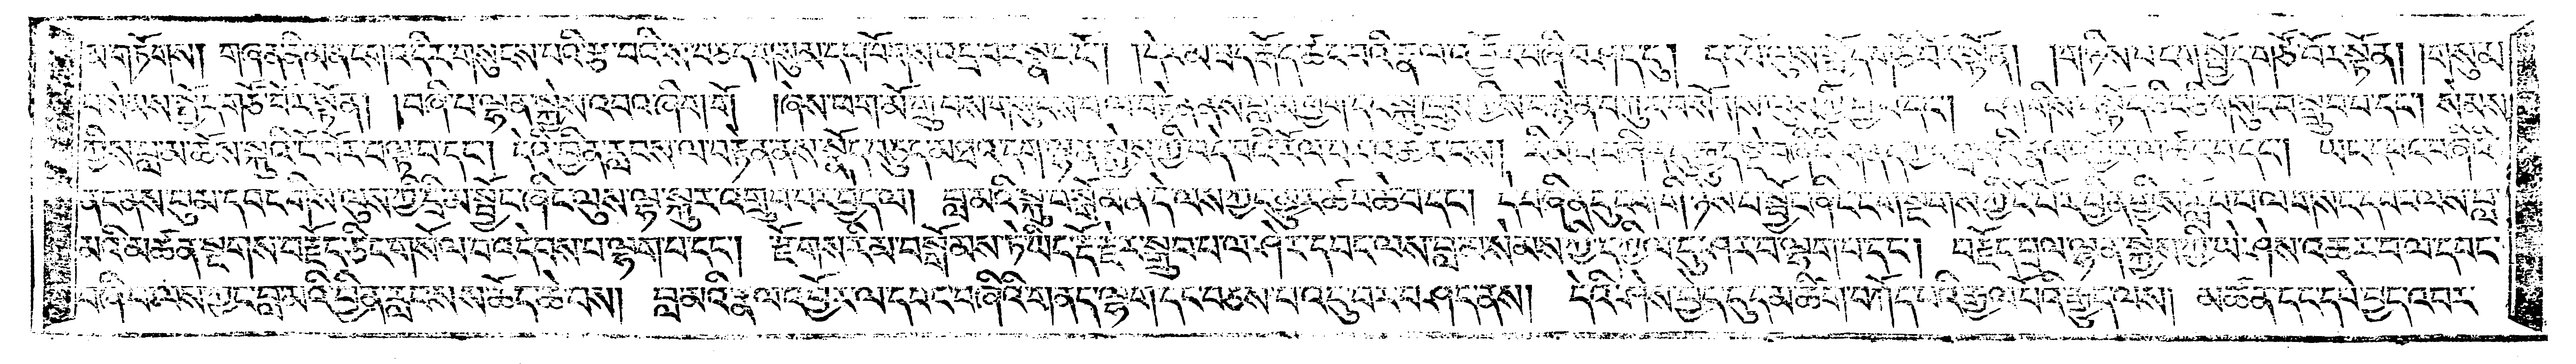མ་གཏོགས། གཞན་ནི་མན་ངག་འདིར་གསུངས་པའི་རྩ་བའི་ས་བཅད་གསུམ་དང་ཁོགས་འདྲ་བར་སྣང་ངོ། །དེར་མ་ཟད་རྒོད་ཚང་བའི་རྣལ་འབྱོར་བཞི་བཤད་དུ། དང་པོ་ལུས་སྤྱོད་གཙོ་བོར་སྟོན། །གཉིས་པ་ངག་སྤྱོད་གཙོ་བོར་སྟོན། །གསུམ་
པ་སེམས་སྦྱོང་གཙོ་བོར་སྟོན། །བཞི་པ་ལྷན་སྐྱེས་འབའ་ཞིག་གོ། །ཞེས་ཕག་མོ་གྲུབ་པས་གསུངས་པ་ལ་བརྟེན་ནས་བླ་མ་ཕྱག་དང་སྐུ་ཁྲུས་ཀྱིས་བསྙེན་བཀུར་བ་སོགས་ལུས་ཀྱི་བྱ་བ་དང་། ངག་གིས་བསྟོད་ཅིང་ཅི་གསུང་བ་སྒྲུབ་པ་དང་། སེམས་
ཀྱིས་བླ་མ་ཆོས་སྐུའི་ངོ་བོར་བལྟ་བ་དང་། དེའི་བྱིན་རླབས་ལ་བརྟེན་ནས་སྣོད་བཅུད་མཐའ་དག་ལྷན་སྐྱེས་ཀྱི་བདེ་བའི་རོལ་པར་འཆར་བས། རིམ་པ་བཞིན་དུ་རྒྱུད་སྡེ་བཞིའི་གནད་ཀྱང་བླ་མའི་རྣལ་འབྱོར་ལ་ཚང་བ་དང་། ཡང་དབང་བཞིའི་
ནང་ནས་བུམ་དབང་གིས་ལུས་ཀྱི་དྲི་མ་སྦྱོང་ཞིང་ལུས་ལྷ་སྐུར་འགྲུབ་པ་བྱེད་ལ། བླ་མའི་སྐུ་བསྒོམ་ན་དེ་ལས་ཀྱང་མྱུར་ཚ་བ་ཆེ་བ་དང་། དེ་བཞིན་དུ་ངག་གི་ཉམས་པ་སྦྱོང་ཞིང་ངག་སྔགས་ཀྱི་ངོ་བོར་བྱིན་གྱིས་རློབ་པ་ལ་གསང་དབང་ལས་བླ་
མའི་མཚན་སྔགས་བརྗོད་ཅིང་གསོལ་བ་འདེབས་པ་ལྷག་པ་དང་། རྫོགས་རིམ་བསྒོམས་ཏེ་ཡིད་རྡོ་རྗེར་སྒྲུབ་པ་ལ་ཤེར་དབང་ལས་བླ་མ་སེམས་ཀྱི་དཀྱིལ་དུ་ཤར་བ་ལྷག་པ་དང་། བརྗོད་བྲལ་ལྷན་སྐྱེས་ཀྱི་ཡེ་ཤེས་འཆར་བ་ལ་དབང་
བཞི་བ་ལས་ཀྱང་བླ་མའི་བྱིན་རླབས་ས་ཆོད་ཆེ་བས། བླ་མའི་རྣལ་འབྱོར་ལ་དབང་བཞིའི་གནད་ལྷག་དང་བཅས་པ་འདུ་བར་བཤད་ནས། དེའི་ཤེས་བྱེད་དུ་དམ་ཚིག་བཀོད་པའི་རྒྱལ་པོའི་རྒྱུད་ལས། མཚན་དང་དཔེ་བྱད་འབར་